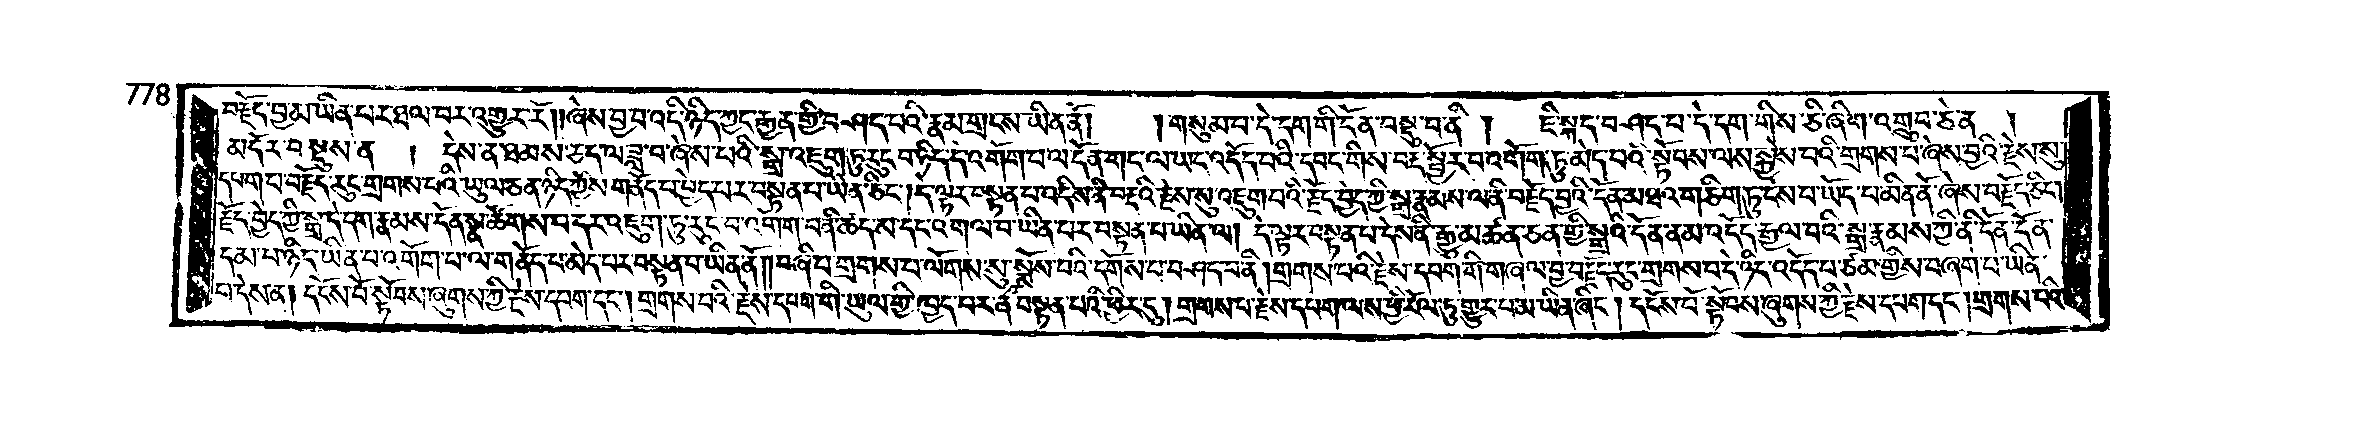བརྗོད་བྱ་མ་ཡིན་པར་ཐལ་བར་འགྱུར་རོ། །ཞེས་བྱ་བ་འདི་ཉིད་ཀྱང་རྒྱན་གྱི་བཤད་པའི་རྣམ་གྲངས་ཡིན་ནོ། །གསུམ་པ་དེ་དག་གི་དོན་བསྡུ་བ་ནི། ཇི་སྐད་བཤད་པ་དེ་དག་གིས་ཅི་ཞིག་འགྲུབ་ཅེ་ན།
མདོར་བསྡུས་ན། དེས་ན་ཐམས་ཅད་ལ་ཟླ་བ་ཞེས་པའི་སྒྲ་འཇུག་ཏུ་རུང་བ་ཉིད་དེ་འགོག་པ་ལ་དོན་གང་ལ་ཡང་འདོད་པའི་དབང་གིས་བརྡ་སྦྱོར་བ་འགོག་ཏུ་མེད་པའི་སྟོབས་ལས་སྐྱེས་པའི་གྲགས་པ་ཞེས་བྱའི་རྗེས་སུ་
དཔག་པ་བརྗོད་རུང་གྲགས་པའི་ཡུལ་ཅན་ཉིད་ཀྱིས་གནོད་པ་བྱེད་པར་བསྟན་པ་ཡིན་ཅིང་། དེ་ལྟར་བསྟན་པ་འདིས་ནི་བརྡའི་རྗེས་སུ་འཇུག་པའི་རྗོད་བྱེད་ཀྱི་སྒྲ་རྣམས་ལ་ནི་བརྗོད་བྱའི་དོན་མཐའ་གཅིག་ཏུ་ངེས་པ་ཡོད་པ་མིན་ནོ་ཞེས་བརྗོད་ཅིང་།
རྗོད་བྱེད་ཀྱི་སྒྲ་དེ་དག་རྣམས་དོན་སྣ་ཚོགས་པ་དེར་འཇུག་ཏུ་རུང་བ་འགོག་པ་ནི་ཚད་མ་དང་འགལ་བ་ཡིན་པར་བསྟན་པ་ཡིན་ལ། དེ་ལྟ་བསྟན་པ་དེས་ནི་རྒྱུ་མཚན་ཅན་གྱིས་སྒྲའི་དོན་དམ་འདོད་རྒྱལ་བའི་སྒྲ་རྣམས་ཀྱི་ནི་དོན་དོན་
དམ་པ་ཉིད་ཡིན་པ་འགོག་པ་ལ་གནོད་པ་མེད་པར་བསྟན་པ་ཡིན་ནོ། །བཞི་པ་གྲགས་པ་ལོགས་སུ་སྨོས་པའི་དགོས་པ་བཤད་པ་ནི། གྲགས་པའི་རྗེས་དཔག་གི་གཞལ་བྱ་བརྗོད་རུང་གྲགས་པ་དེ་ཉིད་འདོད་པ་ཙམ་གྱིས་བཞག་པ་ཡིན་
པ་དེས་ན། དངོས་པོ་སྟོབས་ཞུགས་ཀྱི་རྗེས་དཔག་དང་། གྲགས་པའི་རྗེས་དཔག་གི་ཡུལ་གྱི་ཁྱད་པར་ནི་བསྟན་པའི་ཕྱིར་དུ། གྲགས་པ་རྗེས་དཔག་ལས་ཕྱི་རོལ་ཏུ་གྱུར་པ་མ་ཡིན་ཞིང་། དངོས་པོ་སྟོབས་ཞུགས་ཀྱི་རྗེས་དཔག་དང་། གྲགས་པའི་